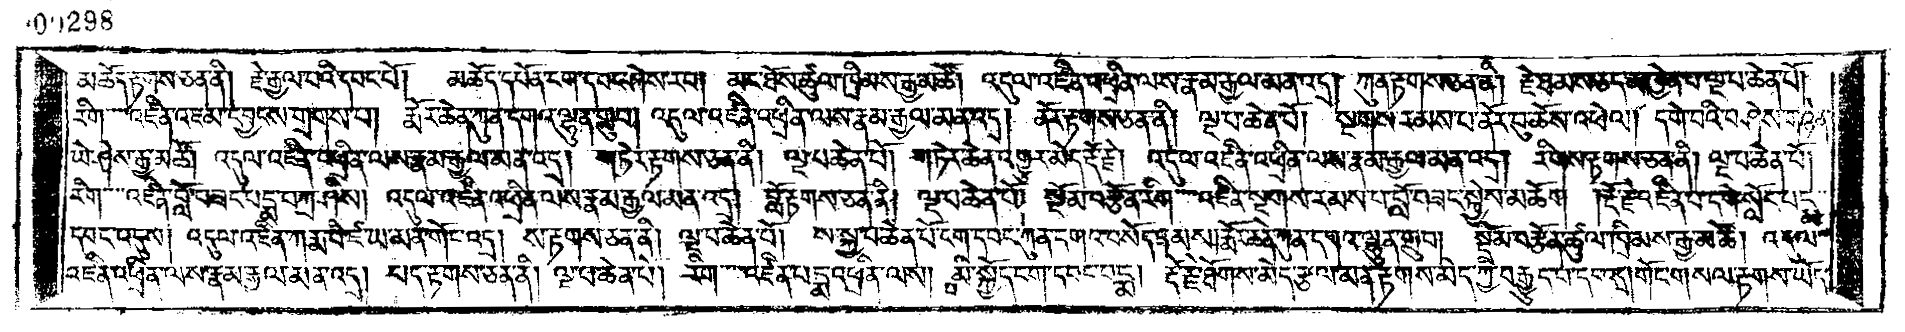མཆོད་རྟགས་ཅན་ནི། རྗེ་རྒྱལ་བའི་དབང་པོ། མཆོད་དཔོན་ངག་དབང་ཤེས་རབ། མང་ཐོས་ཚུལ་ཁྲིམས་རྒྱ་མཚོ། འདུལ་འཛིན་འཕྲིན་ལས་རྣམ་རྒྱལ་མན་འདྲ། ཀུན་རྟགས་ཅན་ནི། རྗེ་ཐམས་ཅད་མཁྱེན་པ་ལྔ་པ་ཆེན་པོ།
རིག་འཛིན་འཇམ་དབྱངས་གྲགས་པ། རྨོར་ཆེན་ཀུན་དགའ་ལྷུན་གྲུབ། འདུལ་འཛིན་འཕྲིན་ལས་རྣམ་རྒྱལ་མན་འདྲ། ནོར་རྟགས་ཅན་ནི། ལྔ་པ་ཆེན་པོ། སྔགས་རམས་པ་ནོར་བུ་ཆོས་འཕེལ། དགེ་བའི་བཤེས་གཉེན་
ཡེ་ཤེས་རྒྱ་མཚོ། འདུལ་འཛིན་འཕྲིན་ལས་རྣམ་རྒྱལ་མན་འདྲ། གཏེར་རྟགས་ཅན་ནི། ལྔ་པ་ཆེན་པོ། གཏེར་ཆེན་འགྱུར་མེད་རྡོ་རྗེ། འདུལ་འཛིན་འཕྲིན་ལས་རྣམ་རྒྱལ་མན་འདྲ། རིགས་རྟགས་ཅན་ནི། ལྔ་པ་ཆེན་པོ།
རིག་འཛིན་བློ་བཟང་པདམ་བཀྲ་ཤིས། འདུལ་འཛིན་འཕྲིན་ལས་རྣམ་རྒྱལ་མན་འདྲ། བློ་རྟགས་ཅན་ནི། ལྔ་པ་ཆེན་པོ། སྔོམ་བརྩོན་རིག་འཛིན་སྔགས་རམས་པ་བློ་བཟང་སྐྱེས་མཆོག །རྡོ་རྗེ་འཛིན་པ་དགེ་སློང་པདམ་
དབང་འདུས། འདུལ་འཛིན་ཀརྨ་བི་ཛ་ཡ་མན་གོང་འདྲ། ས་རྟགས་ཅན་ནི། ལྔ་པ་ཆེན་པོ། ས་སྐྱ་པ་ཆེན་པོ་ངག་དབང་ཀུན་དགའ་བསོད་ནམས་།རྨོར་ཆེན་ཀུན་དགའ་ལྷུན་གྲུབ། སྡོམ་བརྩོན་ཚུལ་ཁྲིམས་རྒྱ་མཚོ། འདུལ་
འཛིན་འཕྲིན་ལས་རྣམ་རྒྱལ་མན་འདྲ། པད་རྟགས་ཅན་ནི། ལྔ་པ་ཆེན་པོ། རིག་འཛིན་པདམ་འཕྲིན་ལས། མི་སྐྱོད་ངག་དབང་པདམ། རྡོ་རྗེ་ཐོགས་མེད་རྩལ་མན་རྟགས་མེད་ཀྱི་བརྒྱུད་པ་དང་འདྲ། གོང་གསལ་རྟགས་ཡོད་